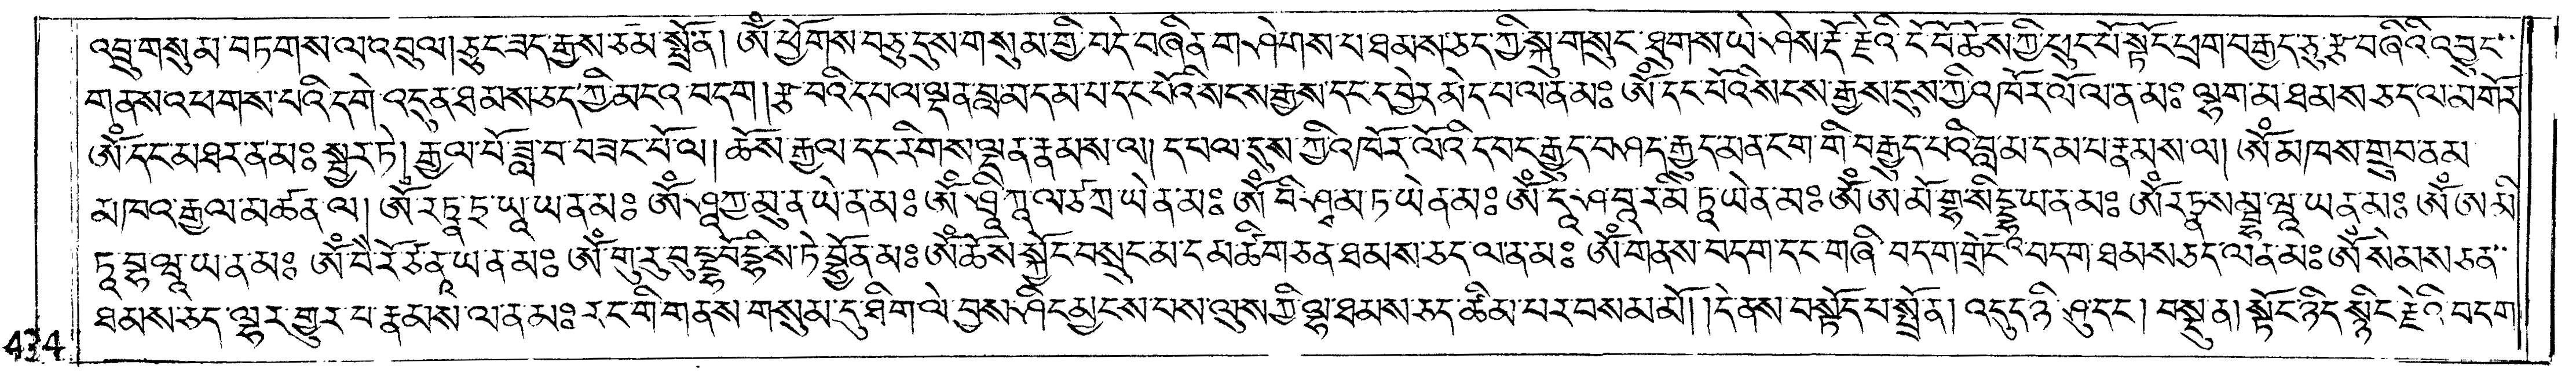འབྲུ་གསུམ་བཏགས་ལ་འབུལ། ཅུང་ཟད་རྒྱས་ཙམ་སྤྲོ་ན། ཨོཾ་ཕྱོགས་བཅུ་དུས་གསུམ་གྱི་བདེ་བཞིན་གཤེགས་པ་ཐམས་ཅད་ཀྱི་སྐུ་གསུང་ཐུགས་ཡེ་ཤེས་རྡོ་རྗེའི་ངོ་བོ་ཆོས་ཀྱི་ཕུང་པོ་སྟོང་ཕྲག་བརྒྱད་ཅུ་རྩ་བཞིའི་འབྱུང་
གནས་འཕགས་པའི་དགེ་འདུན་ཐམས་ཅད་ཀྱི་མངའ་བདག །རྩ་བའི་དཔལ་ལྡན་བླ་མ་དམ་པ་དང་པོའི་སངས་རྒྱས་དང་དབྱེར་མེད་པ་ལ་ན་མཿ ཨོཾ་དང་པོའི་སངས་རྒྱས་དུས་ཀྱི་འཁོར་ལོ་ལ་ན་མཿ ལྷག་མ་ཐམས་ཅད་ལ་མགོར་
ཨོཾ་དང་མཐར་ན་མཿ སྦྱར་ཏེ། རྒྱལ་པོ་ཟླ་བ་བཟང་པོ་ལ། ཆོས་རྒྱལ་དང་རིགས་ལྡན་རྣམས་ལ། དཔལ་དུས་ཀྱི་འཁོར་ལོའི་དབང་རྒྱུད་བཤད་རྒྱུད་མན་ངག་གི་བརྒྱུད་པའི་བླ་མ་དམ་པ་རྣམས་ལ། ཨོཾ་མཁས་གྲུབ་ནམ་
མཁའ་རྒྱལ་མཚན་ལ། ཨོཾ་རཏྣ་ཏྲ་ཡཱ་ཡ་ན་མཿ ཨོཾ་ཤཱཀྱ་མུ་ན་ཡེ་ན་མཿ ཨོཾ་ཤྲཱི་ཀཱ་ལ་ཙ་ཀྲ་ཡེ་ན་མཿ ཨོཾ་བི་ཤྭ་མ་ཏ་ཡེ་ན་མཿ ཨོཾ་དཱ་ཤ་བཱ་ར་མི་ཏཱ་ཡེ་ན་མཿ ཨོཾ་ཨ་མོ་གྷ་སིདྡྷཱ་ཡ་ན་མཿ ཨོཾ་རཏྣ་སམྦྷ་ཝཱ་ཡ་ན་མཿ ཨོཾ་ཨ་མི་
ཏཱ་བྷ་ཝཱ་ཡ་ན་མཿ ཨོཾ་བཻ་རོ་ཙ་ནཱ་ཡ་ན་མཿ ཨོཾ་གུ་རུ་བུདྡྷ་བོ་དྷི་ས་ཏེ་བྷྱོན་མཿ ཨོཾ་ཆོས་སྐྱོང་བསྲུང་མ་དམ་ཚིག་ཅན་ཐམས་ཅད་ལ་ན་མཿ ཨོཾ་གནས་བདག་དང་གཞི་བདག་གྲོང་བདག་ཐམས་ཅད་ལ་ན་མཿ ཨོཾ་སེམས་ཅན་
ཐམས་ཅད་ལྷར་གྱུར་པ་རྣམས་ལ་ན་མཿ རང་གི་གནས་གསུམ་དུ་ཐིག་ལེ་བྱས་ཤིང་མྱངས་པས་ལུས་ཀྱི་ལྷ་ཐམས་ཅད་ཚིམ་པར་བསམ་མོ། །དེ་ནས་བསྟོད་པ་སྤྲོ་ན། འདུད་ཉི་ཤུ་དང་། བསྡུ་ན། སྟོང་ཉིད་སྙིང་རྗེའི་བདག་